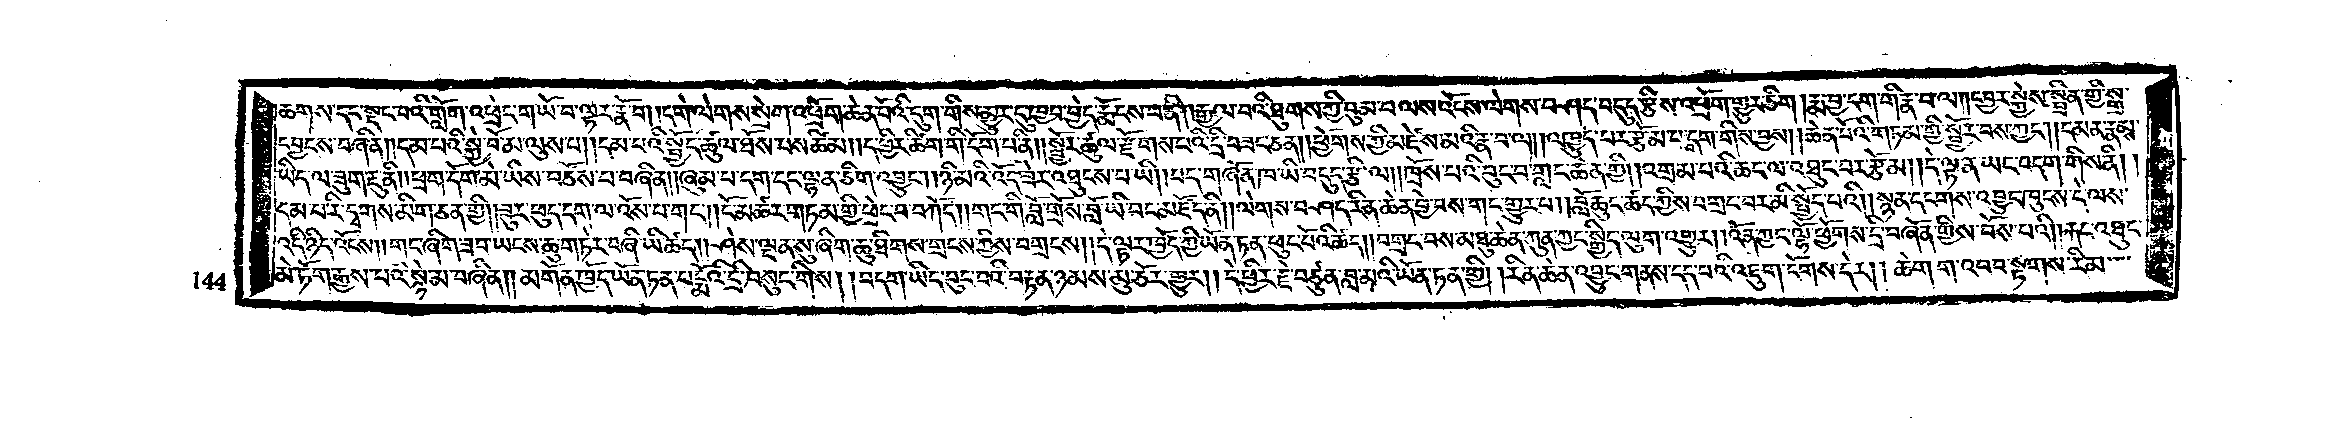ཆགས་དང་སྡང་བའི་གློག་འཕྲེང་གཡོ་བ་ལྟར་རྣོ་བ། །དགེ་ལེགས་སྲེག་འཕྲོག་ཆེན་པོའི་དུག་གིས་མྱུར་དུ་ཁྱབ་བྱེད་རྨོངས་པ་ནི། །རྒྱལ་བའི་ཐུགས་ཀྱི་བུམ་པ་ལས་འོངས་ལེགས་བཤད་བདུད་རྩིས་འཕྲོག་གྱུར་ཅིག །རྨ་བྱ་དག་གི་རྣ་བ་ལ། །དབྱར་སྐྱེས་སྤྲིན་གྱི་སྒྲ་
དབྱངས་བཞིན། །དམ་པའི་སྐྱེ་བོ་མ་ལུས་པ། །དམ་པའི་སྤྱོད་ཚུལ་ཐོས་པས་ཚིམ། །དེ་ཕྱིར་ཚིག་གི་དོག་པ་ནི། །སྦྱོར་ཚུལ་རྫོགས་པའི་དྲི་བཟང་ཅན། །ཕྱོགས་ཀྱི་མཛེས་མའི་རྣ་བ་ལ། །འཁྱུད་པར་རྩོམ་པ་བདག་གིས་བྱས། །ཆེན་པོའི་གཏམ་གྱི་སྦྱོར་བས་ཀྱང་། །དམན་རྣམས་
ཡིད་ལ་ཟུག་རྡུ་ནི། །ཕྲག་དོག་མེ་ཡིས་བཅོས་པ་བཞིན། །ཞུམ་པ་དག་དང་ལྷན་ཅིག་འབྱུང་། །ཉི་མའི་འོད་ཟེར་འཐུངས་པ་ཡི། །པད་གཞོན་ཁ་ཡི་བདུད་རྩི་ལ། །ཁྲོས་པའི་བུད་བ་གླང་ཆེན་གྱི། །འགྲམ་པའི་ཆང་ལ་འཐུང་བར་རྩོམ། །དེ་ལྟ་ན་ཡང་བདག་གིས་ནི། །
དམ་པ་རི་དྭགས་མིག་ཅན་གྱི། །ཟུར་ཕུད་དག་ལ་འོས་པ་གང་། །ངོ་མཚར་གཏམ་གྱི་ཕྲེང་བ་བཀོད། །གང་གི་བློ་གྲོས་བློ་ཡི་བང་མཛོད་ནི། །ལེགས་བཤད་རིན་ཆེན་བྱེ་བས་གང་གྱུར་པ། །བློ་ཆུང་ཚད་ཀྱིས་བགྲང་བར་མི་སྤྱོད་པའི། །སྙན་དངགས་འབྱུང་ཁུངས་དེ་ལས་
འདི་ཉིད་འོངས། །གང་ཞིག་ཟབ་ཡངས་ཆུ་གཏེར་བཞི་ཡི་ཚད། །ཤེས་ལྡན་སུ་ཞིག་ཆུ་ཐིགས་གྲངས་ཀྱིས་བགྲངས། །དེ་ལྟར་ཁྱོད་ཀྱི་ཡོན་ཏན་ཕུང་པོའི་ཚད། །བགྲང་བས་མཐུ་ཆེན་ཀུན་ཀྱང་སྒྱིད་ལུག་འགྱུར། །འོན་ཀྱང་ལྷོ་ཕྱོགས་དྲི་བཞོན་གྱིས་བོས་པའི། །རྐང་འཐུང་
མེ་ཏོག་རྒྱས་པའི་སྙེ་མ་བཞིན། །མགོན་ཁྱོད་ཡོན་ཏན་པདམོའི་དྲི་བསུང་གིས། །བདག་ཡིད་བུང་བའི་བརྟན་ཉམས་མུ་ཅོར་གྱུར། །དེ་ཕྱིར་རྗེ་བཙུན་བླ་མའི་ཡོན་ཏན་གྱི། །རིན་ཆེན་འབྱུང་གནས་དད་པའི་འཇུག་ངོགས་དེར། །ཆེག་ག་འབབ་སྟགས་རིམ་